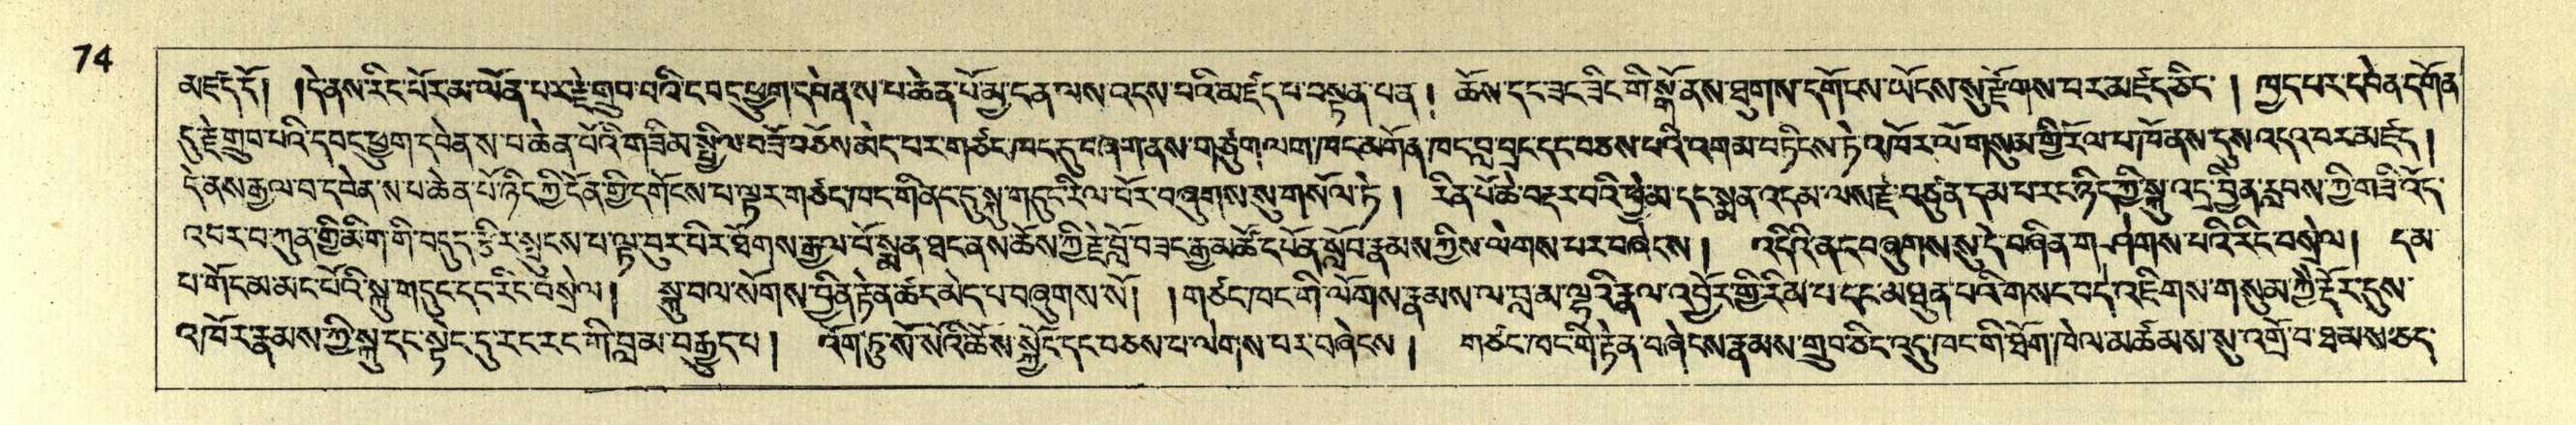མཛད་དོ། །དེ་ནས་རིང་པོར་མ་ལོན་པར་རྗེ་གྲུབ་པའི་དབང་ཕྱུག་དབེན་ས་པ་ཆེན་པོ་མྱ་ངན་ལས་འདས་པའི་མཛད་པ་བསྟན་པ་ན། ཆོས་དང་ཟང་ཟིང་གི་སྒོ་ནས་ཐུགས་དགོངས་ཡོངས་སུ་རྫོགས་བར་མཛད་ཅིང་། ཁྱད་པར་དབེན་དགོན་
དུ་རྗེ་གྲུབ་པའི་དབང་ཕྱུག་དབེན་ས་པ་ཆེན་པོའི་གཟིམ་སྤྱིལ་བཟོ་བཅོས་མེད་པར་གཙང་ཁང་དུ་བཞག་ནས་གཙུག་ལག་ཁང་མགོན་ཁང་བླ་བྲང་དང་བཅས་པའི་འགམ་བཏིངས་ཏེ་འཁོར་ལོ་གསུམ་གྱི་རོལ་པ་ཁོ་ནས་དུས་འདའ་བར་མཛད།
དེ་ནས་རྒྱལ་བ་དབེན་ས་པ་ཆེན་པོ་ཉིད་ཀྱི་དོན་གྱི་དགོངས་པ་ལྟར་གཙང་ཁང་གི་ནང་དུ་སྐུ་གདུང་རིལ་པོར་བཞུགས་སུ་གསོལ་ཏེ། རིན་པོ་ཆེ་བརྡར་བའི་ཕྱེ་མ་དང་སྨན་འདམ་ལས་རྗེ་བཙུན་དམ་པ་རང་ཉིད་ཀྱི་སྐུ་འདྲ་བྱིན་རླབས་ཀྱི་གཟི་འོད་
འབར་བ་ཀུན་གྱི་མིག་གི་བདུད་རྩིར་སྤུངས་པ་ལྟ་བུར་པིར་ཐོགས་རྒྱལ་པོ་སྨན་ཐང་ནས་ཆོས་ཀྱི་རྗེ་བློ་བཟང་རྒྱ་མཚོ་དཔོན་སློབ་རྣམས་ཀྱིས་ལེགས་པར་བཞེངས། འདིའི་ནང་བཞུགས་སུ་དེ་བཞིན་གཤེགས་པའི་རིང་བསྲེལ། དམ་
པ་གོང་མ་མང་པོའི་སྐུ་གདུང་དང་རིང་བསྲེལ། སྐུ་བལ་སོགས་བྱིན་རྟེན་ཚང་མེད་པ་བཞུགས་སོ། །གཙང་ཁང་གི་ལོགས་རྣམས་ལ་བླ་མ་ལྷའི་རྣལ་འབྱོར་གྱི་རིམ་པ་དང་མཐུན་པའི་གསང་བདེ་འཇིགས་གསུམ་ཀྱཻ་རྡོར་དུས་
འཁོར་རྣམས་ཀྱི་སྐུ་དང་སྟེང་དུ་རང་རང་གི་བླ་མ་བརྒྱུད་པ། འོག་ཏུ་སོ་སོའི་ཆོས་སྐྱོང་དང་བཅས་པ་ལེགས་པར་བཞེངས། གཙང་ཁང་གི་རྟེན་བཞེངས་རྣམས་གྲུབ་ཅིང་འདུ་ཁང་གི་ཐོག་ཁེལ་མཚམས་སུ་འགྲོ་བ་ཐམས་ཅད་